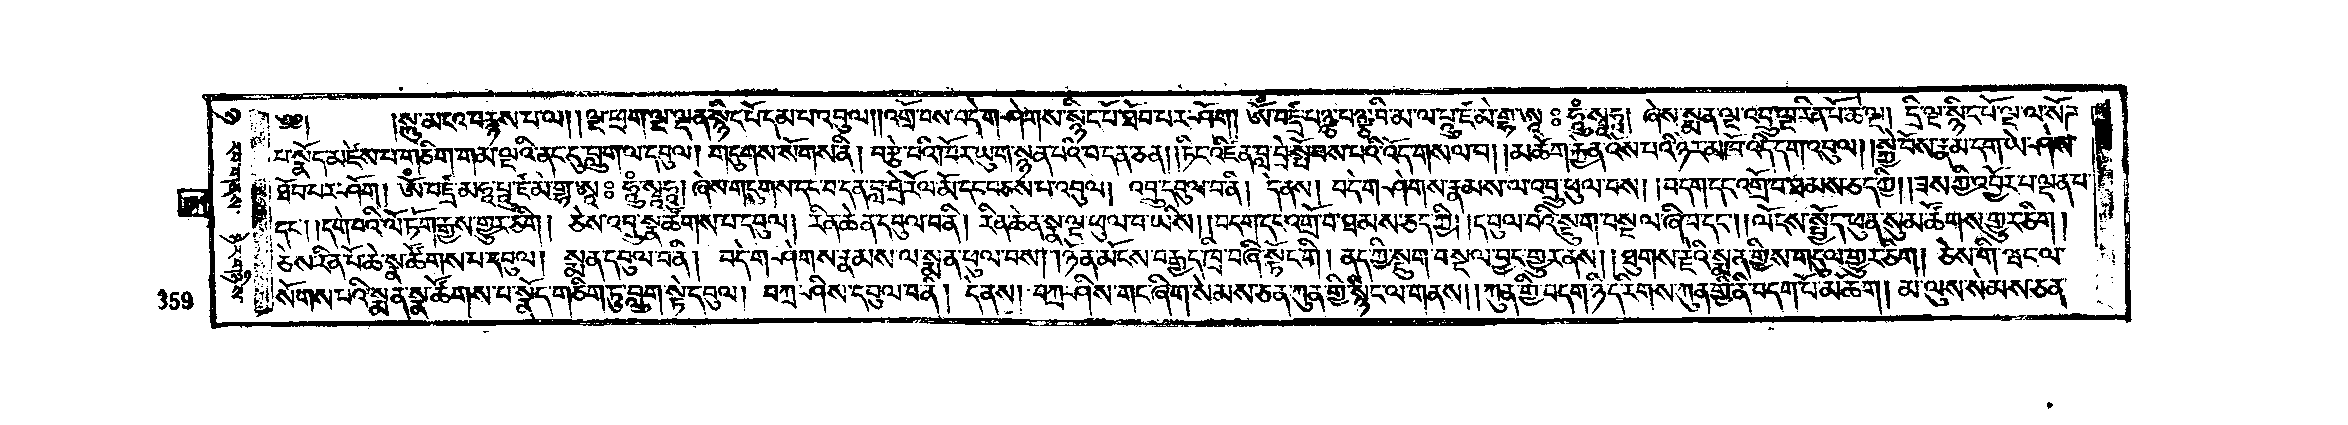༄༅། །སྐུ་མངའ་བརྙེས་པ་ལ། །ལྔ་ཕྲག་ལྔ་ལྡན་སྙིང་པོ་དམ་པ་འབུལ། །འགྲོ་བས་བདེ་གཤེགས་སྙིང་པོ་ཐོབ་པར་ཤོག །ཨོཾ་བཛྲ་པཉྩ་པཉྩ་བི་མ་ལ་པཱུ་ཇེ་མེ་གྷ་ཨཱཿ ཧཱུཾ་སྭཱ་ཧཱ། ཞེས་སྨན་ལྔ་འབྲུ་ལྔ་རིན་པོ་ཆེ་ལྔ། དྲི་ལྔ་སྙིང་པོ་ལྔ་ལ་སོགས་
པ་སྣོད་མཛེས་པ་གཅིག་གམ་ལྔའི་ནང་དུ་བླུག་ལ་དབུལ། གདུགས་སོགས་ནི། བརྩེ་བའི་ཁོར་ཡུག་སྙན་པའི་བ་དན་ཅན། །ཏིང་འཛིན་བླ་བྲེ་སྤོབས་པའི་འོད་གསལ་བ། །མཆོག་རྐྱེན་འོས་པའི་ཉེར་མཁོ་འདི་དག་འབུལ། །སྐྱེ་བོས་རྣམ་དག་ཡེ་ཤེས་
ཐོབ་པར་ཤོག །ཨོཾ་བཛྲ་མཧཱ་པཱུ་ཛ་མེ་གྷ་ཨཱཿ ཧཱུཾ་སྭཱ་ཧཱ། ཞེས་གདུགས་དང་བ་དན་བླ་བྲེ་རོལ་མོ་དང་བཅས་པ་འབུལ། འབྲུ་དབུལ་བ་ནི། དེ་ནས། བདེ་གཤེགས་རྣམས་ལ་འབྲུ་ཕུལ་བས། །བདག་དང་འགྲོ་བ་ཐམས་ཅད་ཀྱི། །ཟས་ཀྱི་འབྱོར་བ་ལྡན་པ་
དང་། །དགེ་བའི་ལོ་ཏོག་རྒྱས་གྱུར་ཅིག །ཅེས་འབྲུ་སྣ་ཚོགས་པ་དབུལ། རིན་ཆེན་དབུལ་བ་ནི། རིན་ཆེན་སྣ་ལྔ་ཕུལ་བ་ཡིས། །བདག་དང་འགྲོ་བ་ཐམས་ཅད་ཀྱི། །དབུལ་བའི་སྡུག་བསྔལ་ཞི་བ་དང་། །ལོངས་སྤྱོད་ཕུན་སུམ་ཚོགས་གྱུར་ཅིག །
ཅེས་རིན་པོ་ཆེ་སྣ་ཚོགས་པ་དབུལ། སྨན་དབུལ་བ་ནི། བདེ་གཤེགས་རྣམས་ལ་སྨན་ཕུལ་བས། །ཉོན་མོངས་བརྒྱད་ཁྲི་བཞི་སྟོང་གི །ནད་ཀྱི་སྡུག་བསྔལ་བྱང་གྱུར་ནས། །ཐུགས་རྗེའི་སྨན་གྱིས་གདུལ་གྱུར་ཅིག །ཅེས་གི་ཝང་ལ་
སོགས་པའི་སྨན་སྣ་ཚོགས་པ་སྣོད་གཅིག་ཏུ་བླུག་སྟེ་དབུལ། བཀྲ་ཤིས་དབུལ་བ་ནི། དེ་ནས། བཀྲ་ཤིས་གང་ཞིག་སེམས་ཅན་ཀུན་གྱི་སྙིང་ལ་གནས། །ཀུན་གྱི་བདག་ཉིད་རིགས་ཀུན་གྱི་ནི་བདག་པོ་མཆོག །མ་ལུས་སེམས་ཅན་